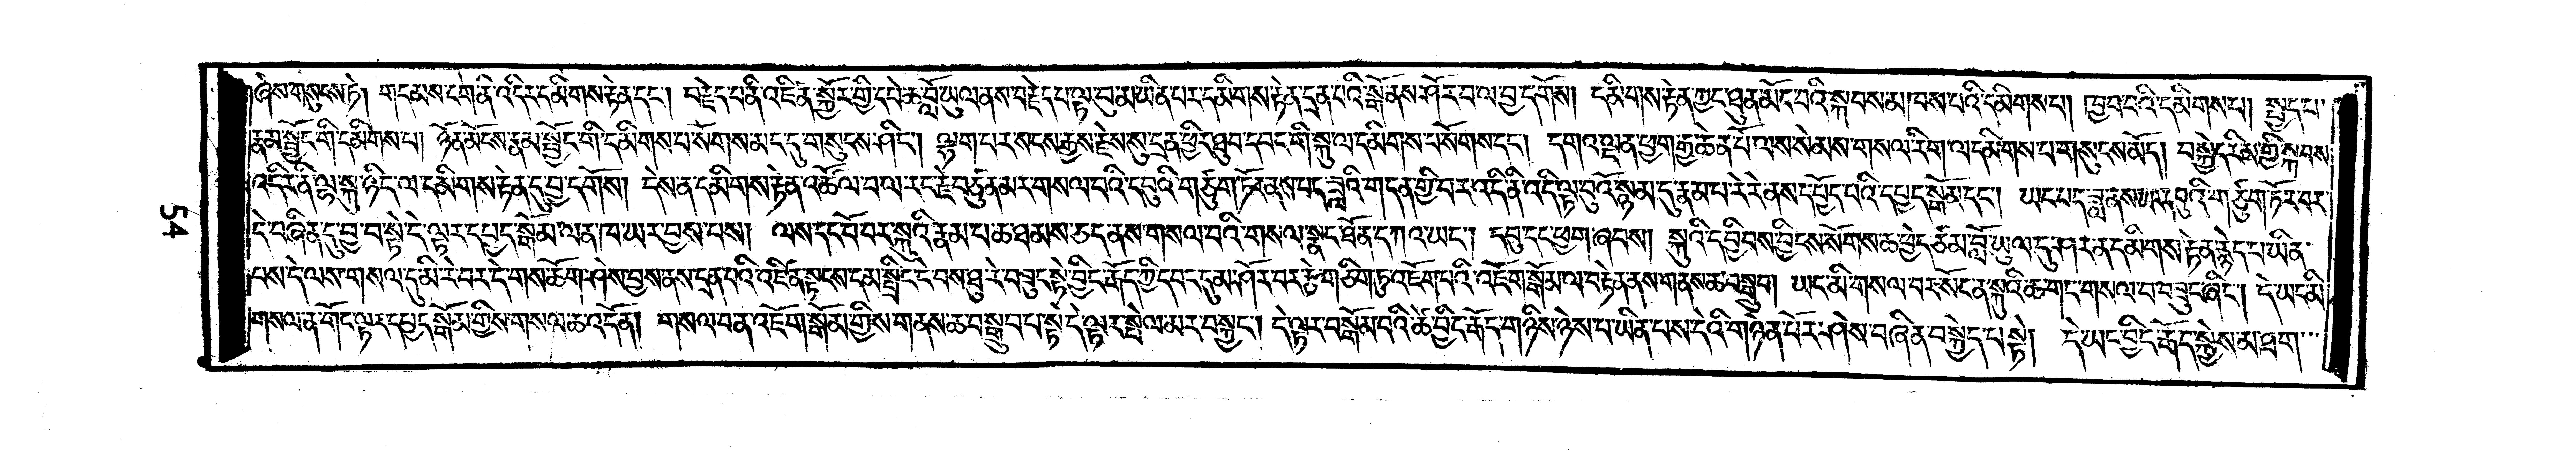ཞེན་གསུངས་ཏེ། གདམས་ངག་ནི་འདིར་དམིགས་རྟེན་དང་། བརྗེད་པ་ནི་འཛིན་སྐྱོང་གྱི་དཔེ་ཆ་བློ་ཡུལ་ནས་བརྗེད་པ་ལྟ་བུ་མ་ཡིན་པར་དམིགས་རྟེན་དྲན་པའི་སྒོ་ནས་ཤོར་བ་ལ་བྱ་དགོས། དམིགས་རྟེན་ཡང་ཐུན་མོང་བའི་སྐབས་མཁས་པའི་དམིགས་པ། ཁྱབ་པའི་དམིགས་པ། སྤྱད་པ་
རྣམ་སྦྱོང་གི་དམིགས་པ། ཉོན་མོངས་རྣམ་སྦྱོང་གི་དམིགས་པ་སོགས་མང་དུ་གསུངས་ཤིང་། ལྷག་པར་སངས་རྒྱས་རྗེས་སུ་དྲན་བྱེར་ཐུབ་དབང་གི་སྐུ་ལ་དམིགས་པ་སོགས་དང་། དགའ་ལྡན་ཕྱག་རྒྱ་ཆེན་པོ་ལས་སེམས་གངས་རིག་ལ་དམིགས་པ་གསུངས་མོད། བསྐྱེད་རིམ་གྱི་སྐབས་
འདིར་ནི་ལྷ་སྐུ་ཉིད་ལ་དམིགས་རྟེན་དུ་བྱ་དགོས། དས་ན་དམིགས་རྟེན་འཚོལ་བ་ལ་རང་རྗེ་བཙུན་མར་གསལ་བའི་དབུའི་གཙུག་ཏོར་ནས་པད་ཟླའི་གདན་གྱི་བར་འདི་ནི་འདི་ལྟ་བུའོ་སྙམ་དུ་རྣམ་པ་རེ་རེ་ནས་དཔྱོད་པའི་དཔྱད་སྒོམ་དང་། ཡང་པད་ཟླ་ནས་ཡར་དབུའི་གཙུག་ཏོར་བར་
དེ་བཞིན་དུ་བྱ་བ་སྟེ་དེ་ལྟར་དཔྱད་སྒོམ་ལན་ཁ་ཡར་བྱས་པས། ལས་དང་པོ་པར་སྐུའི་རྣམ་པ་ཆ་ཐམས་ཅད་ནས་གསལ་བའི་གསལ་སྣང་ཐོན་དཀའ་ཡང་། དབུ་དང་ཕྱག་ཞབས། སྐུའི་དབྱིབས་བྱིངས་སོགས་ཆ་ཕྱེད་ཙམ་བློ་ཡུལ་དུ་ཤར་ན་དམིགས་རྟེན་རྙེད་པ་ཡིན་
པས་ནེ་ལས་གསལ་དུ་མི་རེ་བར་དེགས་ཆོག་ཤེས་བྱས་ནས་དྲན་པའི་འཛིན་སྟངས་དམ་སྤྲིང་ངེ་བས་ཐུ་རེ་བཟུང་སྟེ་བྱིང་རྒོད་ཀྱི་དབང་དུ་མ་ཤོར་བར་རྩེ་གཅིག་ཏུ་འཇོག་པའི་འཇོག་སྒོམ་ལ་བརྟེན་ནས་གནས་ཆ་བསྒྲུབ། ཡང་མི་གསལ་བར་སོང་ན་སྐུའི་ཆ་གང་གསལ་བ་བཟུང་ཞིང་། དེ་ཡང་མི་
གསལ་ན་གོང་ལྟར་དཔྱད་སྒོམ་གྱིས་གསལ་ཆ་འདོན། གསལ་བ་ན་འཇོག་སྡོམ་གྱིས་གནས་ཆ་བསྒྲུབ་པ་སྟེ་དེ་ལྟར་སྤེལ་མར་བསྐྱང་། དེ་ལྟར་བསྒོམ་པའི་ཚེ་བྱིང་རྒོད་གཉིས་ཉེས་པ་ཡིན་པས་དེའི་གཉེན་པོར་ཤེས་བཞིན་བསྐྱེད་པ་སྟེ། དེ་ཡང་བྱིང་རྒོད་སྐྱེས་མ་ཐག་